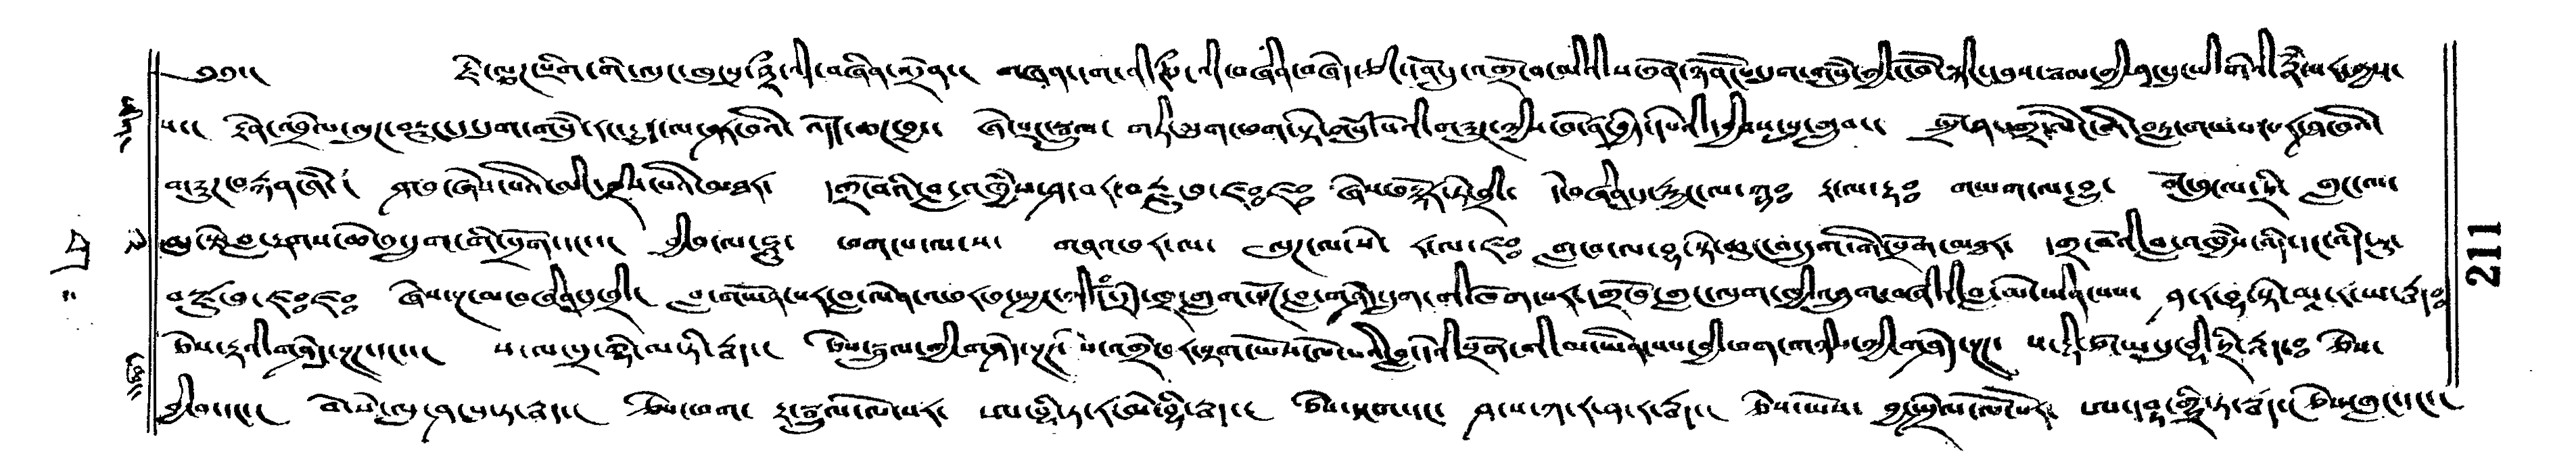རྗེ་ལྕགས་སྡིག་གི་ལུང་ཁུངས་སུ་ནྲྀ་འདི་བཞིན་འདྲེན། གཞན་དག་ནྲྀ་འདི་བཞིན་བཞེད་ཅིང་དོན་དུ་འགྲོ་བ་མིའི་ས་བོན་ཉོན་མོངས་དུག་གསུམ་གྱི་ངོ་བོ་སྙིང་དབུས་རུས་སྦལ་གྱི་ནང་དུ་ཡི་གེའི་རྣམ་པར་གནས་
པ། རྟེན་འབྲེལ་ལུགས་འབྱུང་དུ་དུག་གསུམ་རང་རྒྱུད་ལ་ཤར་བའི་འདོད་ཆགས་བྱ། ཞེ་སྡང་སྦྲུལ། གཏི་མུག་ཕག་སྟེ་གསུམ་པོའི་གཟུགས་ཀྱིས་མཚོན་བྱེད་དཔེའི་དབྱིབས་སུ་གྲུབ། སྤྲོ་ན་དགྲ་ལིང་གི་བརླ་གཡས་པར་ཤ་བའི་
གཟུགས་བརྙན་ནམ། ཤ་བ་ཞེས་པའི་མིང་བྲིས་པའི་མཐར། དགྲ་བོའི་བླ་འཁྱམས་ཤ་བར་བརྫུ་བ་ཛཿཛཿ ཞེས་བསྐོར་ཏེ་བྲི། དེ་བཞིན་དུ་རྐྱང་ལ་གྷཿ རྟ་ལ་དྷཿ གཡག་ལ་ཤུཿ བོང་བུ་ལ་ཏྲིཿ གླང་ལ་
མུཿ སྟེ་བླ་རྟགས་ཆེ་བ་དྲུག་གི་སྲོག་དང་། བྱི་བ་ལ་ཧུཿ ཕགཔ་ལ་སཿ གནའ་བར་ལཿ ལུག་ལ་སེཿ ར་ལ་ཛཿ གླ་བ་ལ་བྷཿསྟེ་ཆུང་བ་དྲུག་གི་སྲོག་མཐར་དགྲ་བོའི་བླ་འཁྱམས་འདི་དང་འདི་རུ་
བརྫུ་བ་ཛཿཛཿ ཞེས་སྔ་མ་བཞིན་དུ་བྲི། བརླ་གཡོན་པར་བླ་ལེན་འཕར་བ་སྤྱང་ཀི་དོམ་དྲེད་ཁྲ་གླག་སོགས་བླ་གཤེད་དྲུག་གི་ཁོག་པར་དགྲ་བོ་གླང་ལུག་ཁྱི་འབྲུག་བཞིའི་བླ་མོ་ཡིན་པས། ཤ་ར་བྷ་སྟེ་མཱ་ར་ཡ་རྦདཿ 
ཅེས་རྟའི་གཤེད་སྔགས། ས་ལ་པྲ་གྷེ་ལ་ཏི་རྦདཿ ཅེས་སྦྲུལ་གྱི་གཤེད་སྔགས་དེས་འགྲེས་བར་སྟག་ཡོས་ལོ་པའི་བླ་དེའི་སྲོག་གི་མ་ཡིན་པས་བྱི་ཕག་གཉིས་ཀྱི་གཤེད་སྔགས། ས་དྷི་ཙ་ཡ་དུ་བྷི་ཏྲི་རྦདཿ ཅེས་
བྱི་བ་དང་། བོ་སེ་ལུ་ཤ་སུ་ཏ་རྦདཿ ཅེས་ཕག རྟ་སྦྲུལ་ལོ་པར། ཨ་བྷི་ཏ་ར་མེ་བྷི་རྦདཿ ཅེས་སྟག་དང་། ཤ་ས་ཀ་ར་ན་ར་རྦདཿ ཅེས་ཡོས། བྱ་སྤྲེལ་ལོ་སོ་སོར། ཨ་དབྟ་གྷྲི་ཏ་རྦདཿ ཅེས་གླང་དང་།